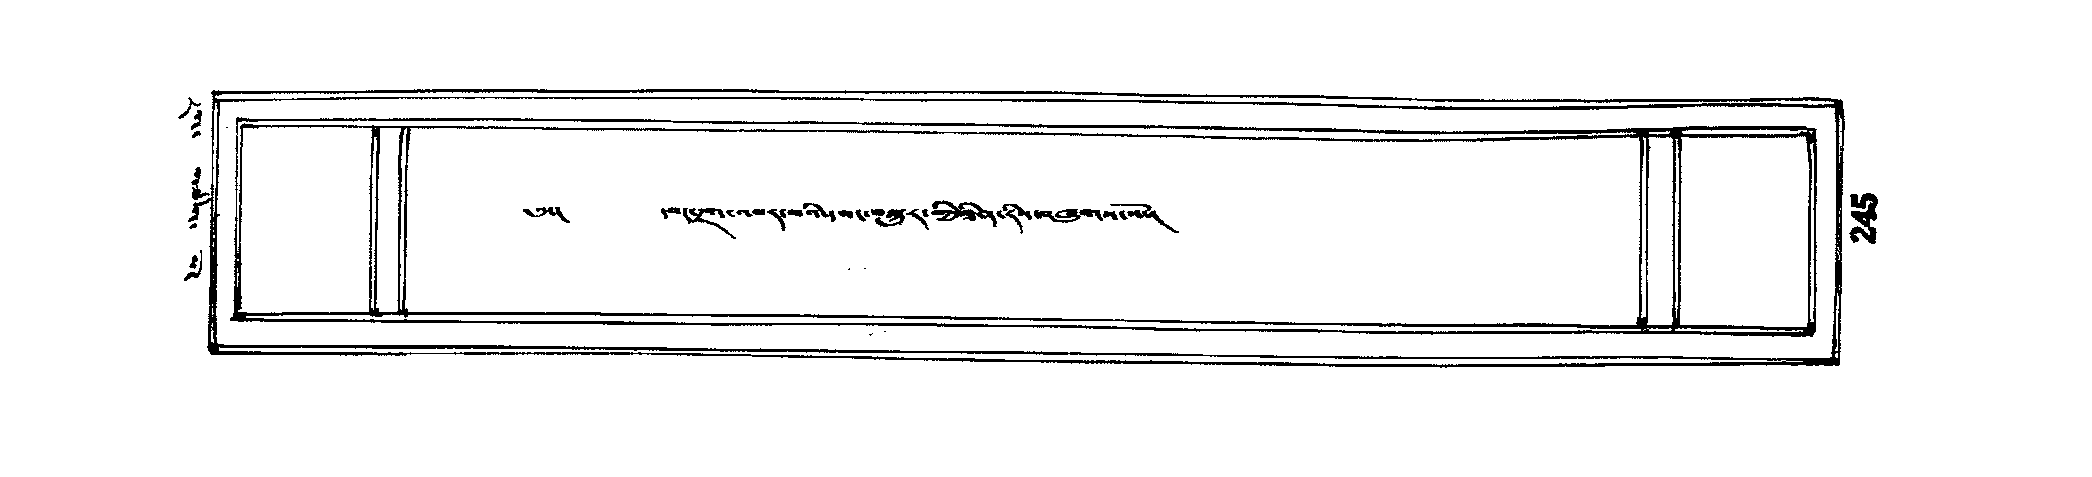དབང་དྲག་འབར་བའི་དབང་བསྐུར་གྱི་ཟིན་རིས་བཞུགས་སོ།